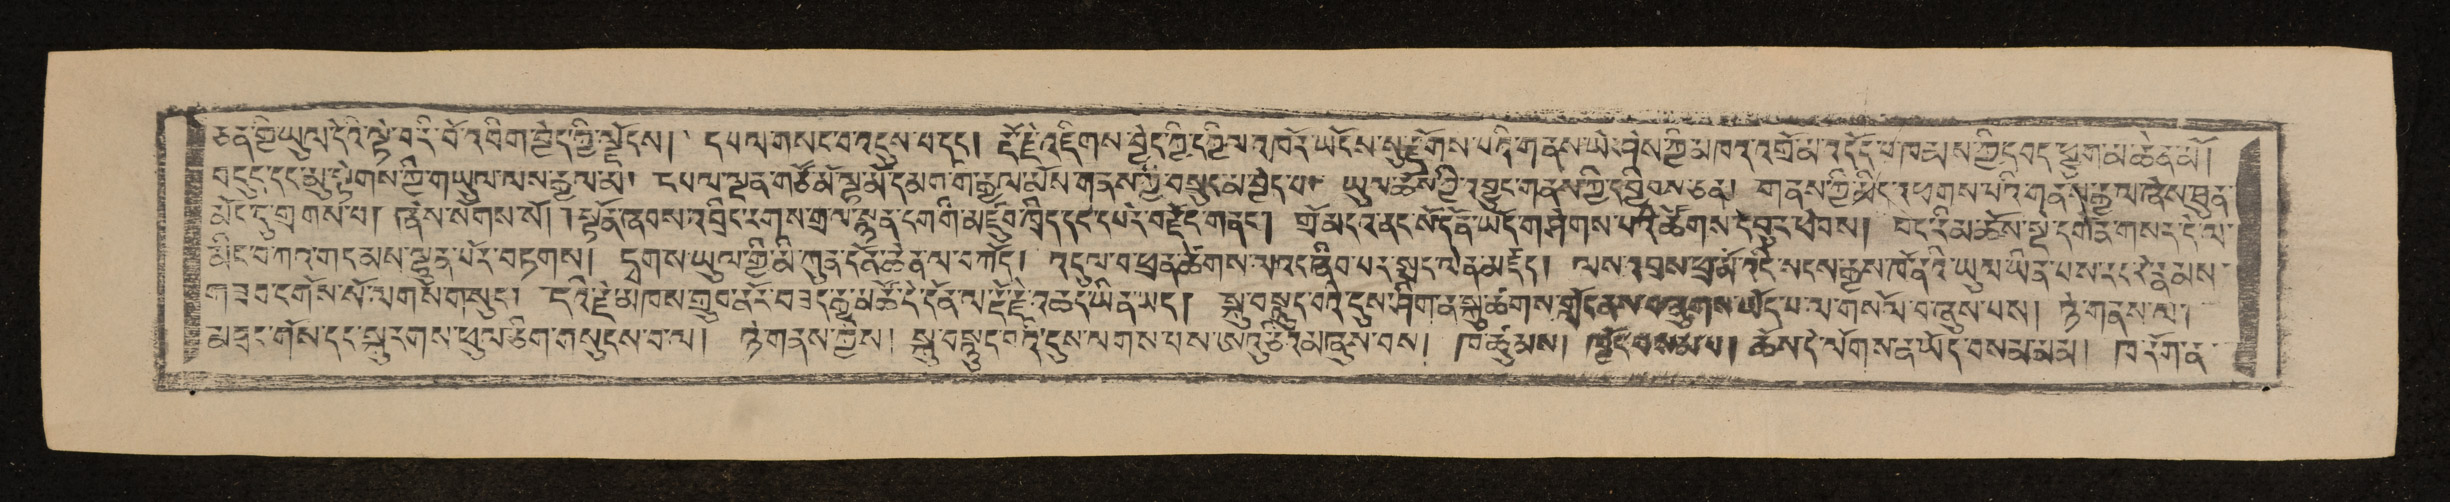ཅན་གྱི་ཡུལ་དེའི་ལྟེ་བ་རི་བོ་འབིག་བྱེད་ཀྱི་ལྗོངས། དཔལ་གསང་བ་འདུས་པ་དང་། རྡོ་རྗེ་འཇིགས་བྱེད་ཀྱི་དཀྱིལ་འཁོར་ཡོངས་སུ་རྫོགས་པའི་གནས་ཡེ་ཤེས་ཀྱི་མཁའ་འགྲོ་མ་འདོད་པ་ཁམས་ཀྱི་དབང་ཕྱུག་མ་ཆེན་མོ།
བདུད་དང་མུ་སྟེགས་ཀྱི་གཡུལ་ལས་རྒྱལ་མ། དཔལ་ལྡན་གཙོ་མོ་ལྷ་མོ་དམག་གི་རྒྱལ་མོས་གནས་ཀྱི་བསྲུང་མ་བྱེད་པ། ཡུལ་ཆོས་ཀྱི་འབྱུང་གནས་ཀྱི་དབྱིབས་ཅན། གནས་ཀྱི་མིང་འཕགས་པའི་གནས་རྒྱལ་ཞེས་ཐུན་
མོང་དུ་གྲགས་པ། ཞེས་སོགས་སོ། །སྟོན་ཞབས་འབྲིང་རགས་གྲ་ལ་སྙན་ངག་གི་མཛུབ་ཁྲིད་དང་དཔེར་བརྗོད་གནང་། གྲོ་མདའ་ནང་སོ་དོན་ཡོད་གཤེགས་པའི་ཚོགས་དབུར་ཕེབས། བང་རིམ་ཆོས་སྡེ་དགོན་གསར་དེ་ལ་
མིང་བཀའ་གདམས་ལྷུན་པོར་བཏགས། དྭགས་ཡུལ་གྱི་མི་ཀུན་དོན་ཆེན་ལ་བཀོད། འདུལ་བ་ཕྲན་ཚེགས་ལའང་ཞིབ་པར་སྤང་ལེན་མཛད། ལས་འབྲས་ཕྲ་མོ་འདི་སངས་རྒྱས་ཁོ་ནའི་ཡུལ་ཡིན་པས་རང་རེ་རྣམས་
གཟབ་དགོས་སོ་ལགས་གསུང་། ངའི་རྗེ་མཁས་གྲུབ་ནོར་བཟང་རྒྱ་མཚོ་དེ་དོན་ལ་རྡོ་རྗེ་འཆང་ཡིན་ཡང་། སྐུ་བསྙུང་བའི་དུས་ཤིག་ན་སྐུ་ཚགས་གློད་ནས་བཞུགས་ཡོད་པ་ལ་གསོལ་བ་ཞུས་པས། ཉེ་གནས་ལ།
མཐང་གོས་དང་སྐུ་རགས་ཕུལ་ཅིག་གསུངས་པ་ལ། ཉེ་གནས་ཀྱིས། སྐུ་བསྙུང་བའི་དུས་ལགས་པས་ཨཱུ་ཅིའམ་ཞུས་པས། ཁ་ཚུམས། ཁྱོད་བསམ་པ། ཆོས་དེ་ལོགས་ན་ཡོད་བསམ་མམ། ཁ་རོག་ན་